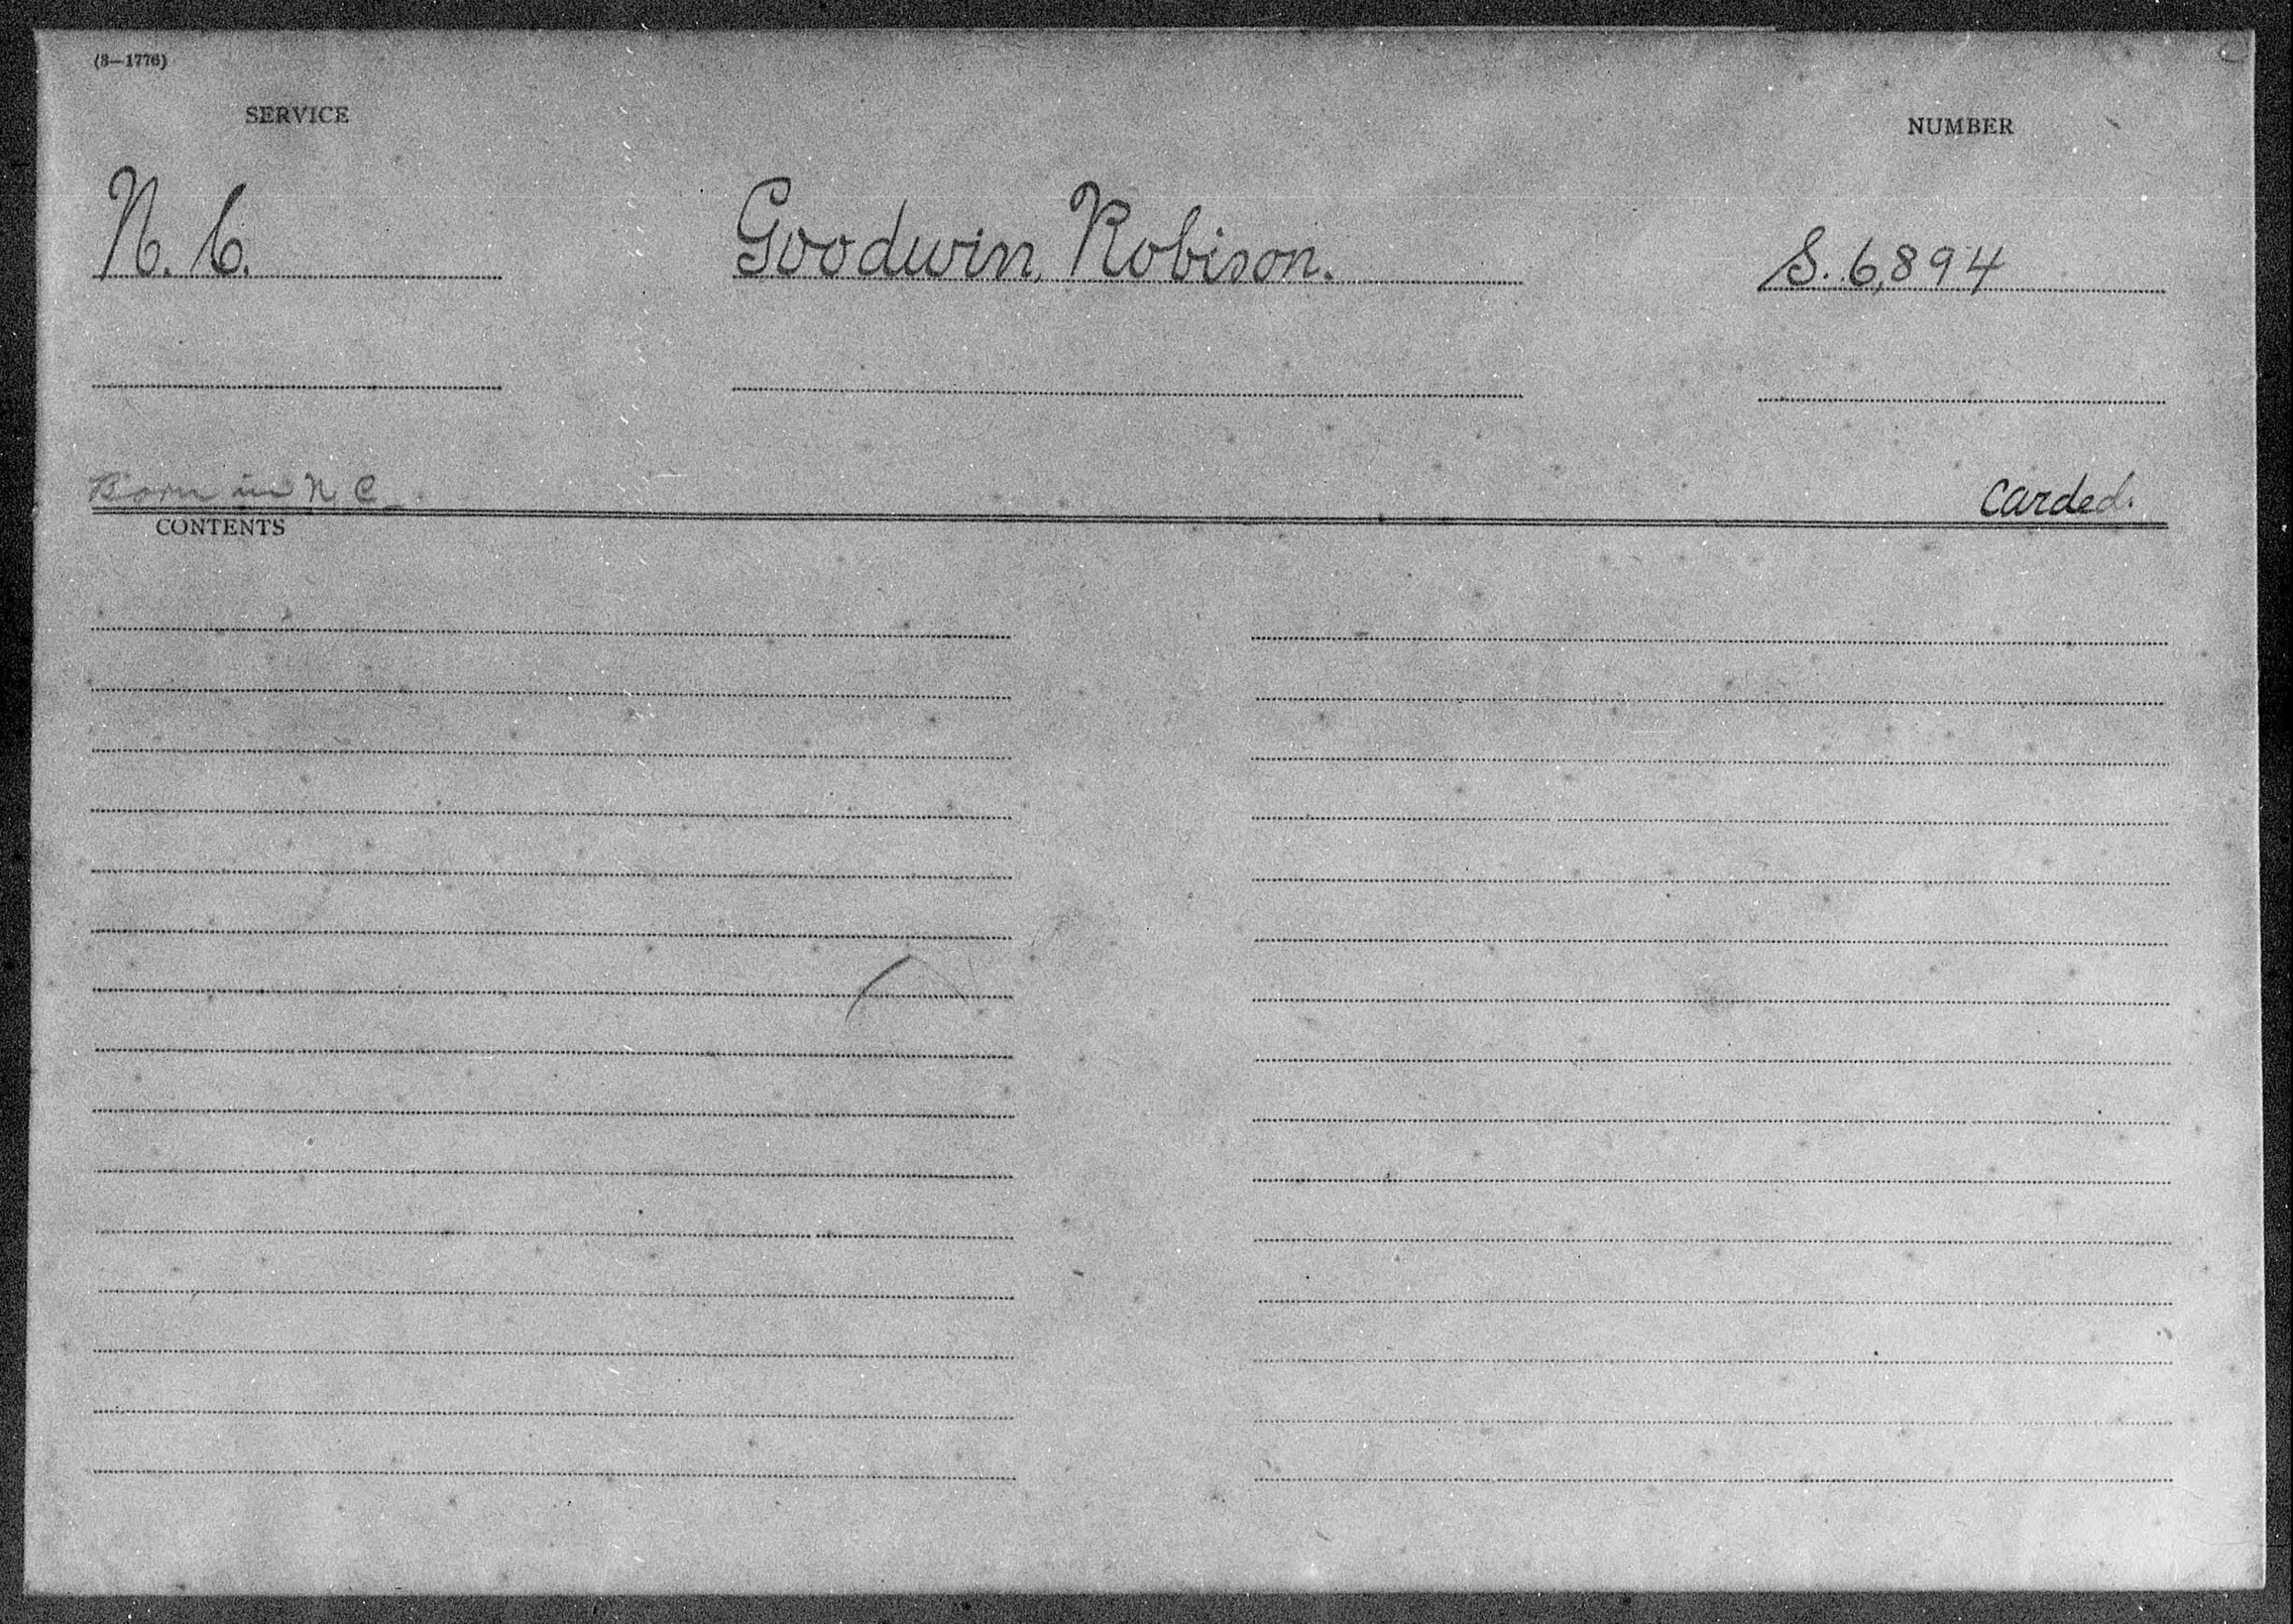(8-1776) service N.6 Goodwin Robison number S.6,894 contents Born in NC carded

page: 1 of 16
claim: survivor's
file: S. 6,894, Robison Goodwin, N.C.